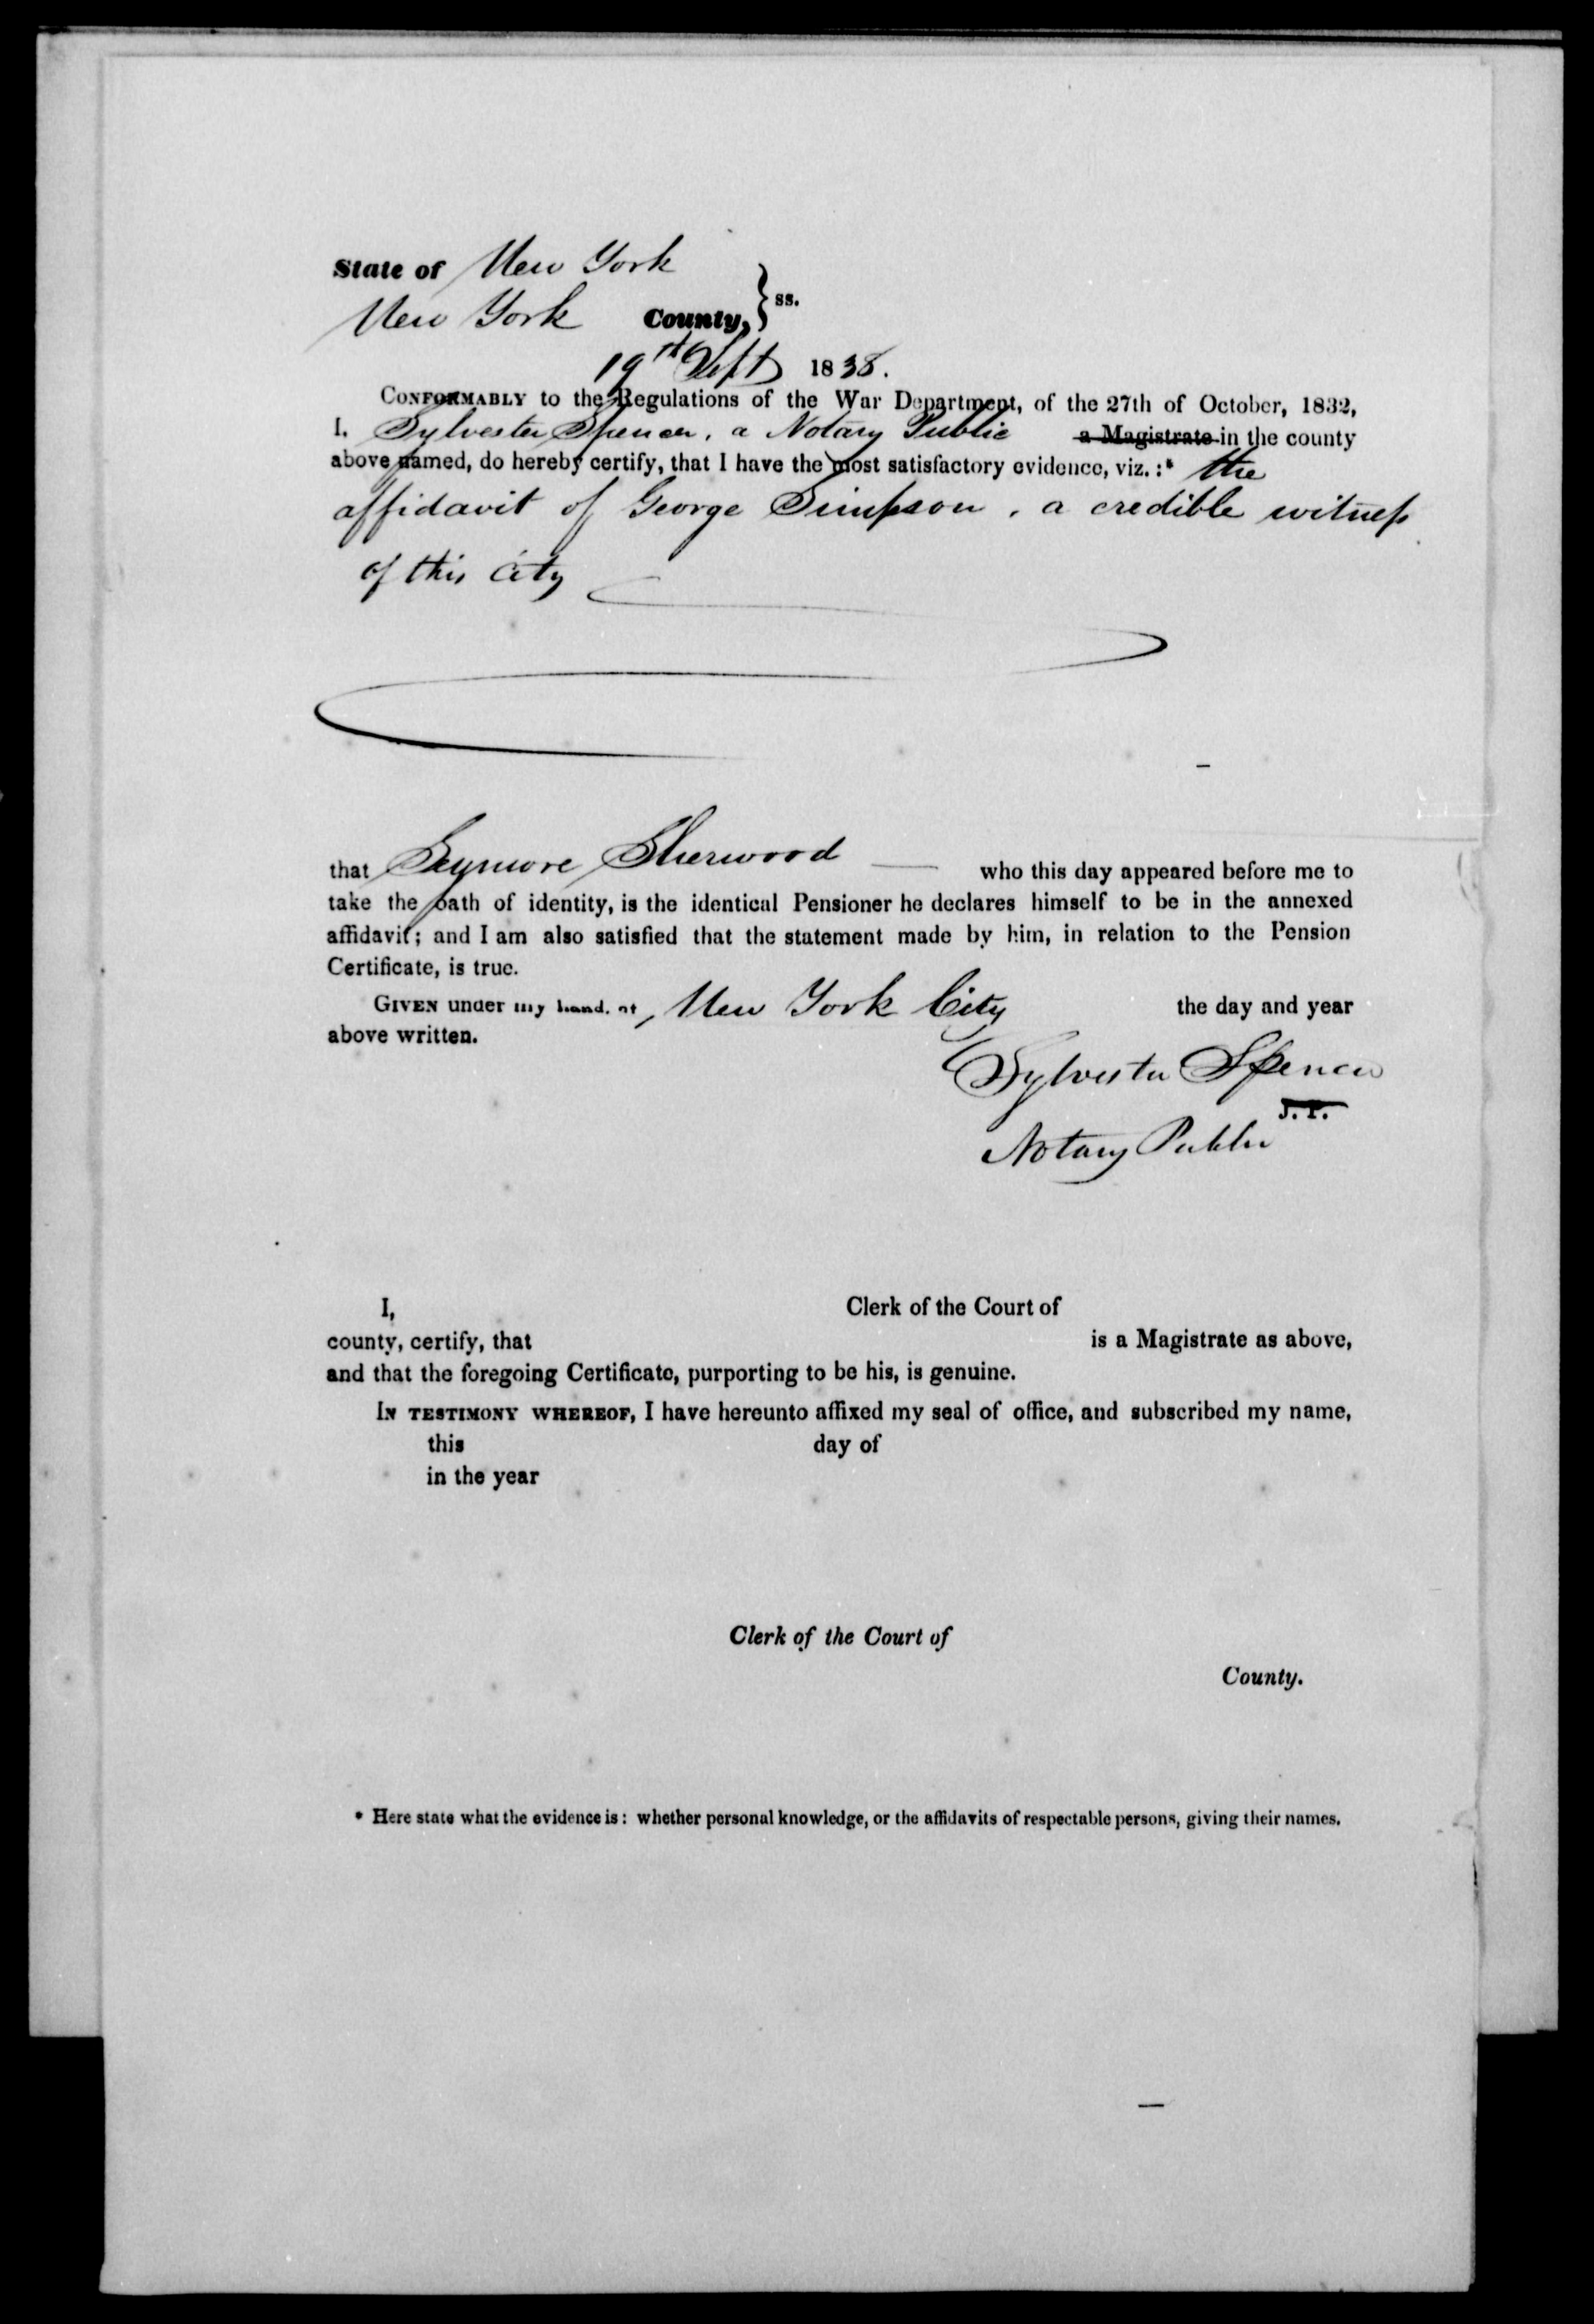State of New York 
New York County } ss  
19th Sept 1838
CONFORMABLY to the Regulations of the War Department of the 27th of October, 1832, Sylvester Spencer, a Notary Public Magistrate in the county above named, do hereby certify, that I have the most satisfactory evidence, viz: the affidavit of George Simpson, a credible witness of this City that Seymore Sherwood who this day appeared before me to take the oath of identity, is the identical pensioner he declares himself to be in the annexed affidavit; and I am also satisfied that the statement made by him in relation to the Pension Certificate, is true. 
GIVEN under my hand at New York City the day and year above written.  
Sylvester Spencer 
Notary Public 
I-  Clerk of the Court of - cunty, certify, that is a Magistrate as above, that the foregoing Certificate, purporting to be his, is genuine. 
IN TESTIMONY WHEREOF, I have hereunto affixed my seal of office, and subscribed my name, this  -  day of - in the year  
Clerk of the Court of -  -County. 
Here state what the evidence is whether personal knowledge, or the affidavits of respectable persons, giving their names.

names: Sylvester Spencer; Sylvester Spencer; Seymore Sherwood; George Simpson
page: 24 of 30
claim: survivor's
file: S. 42289, for Seymore Sherwood, Connecticut